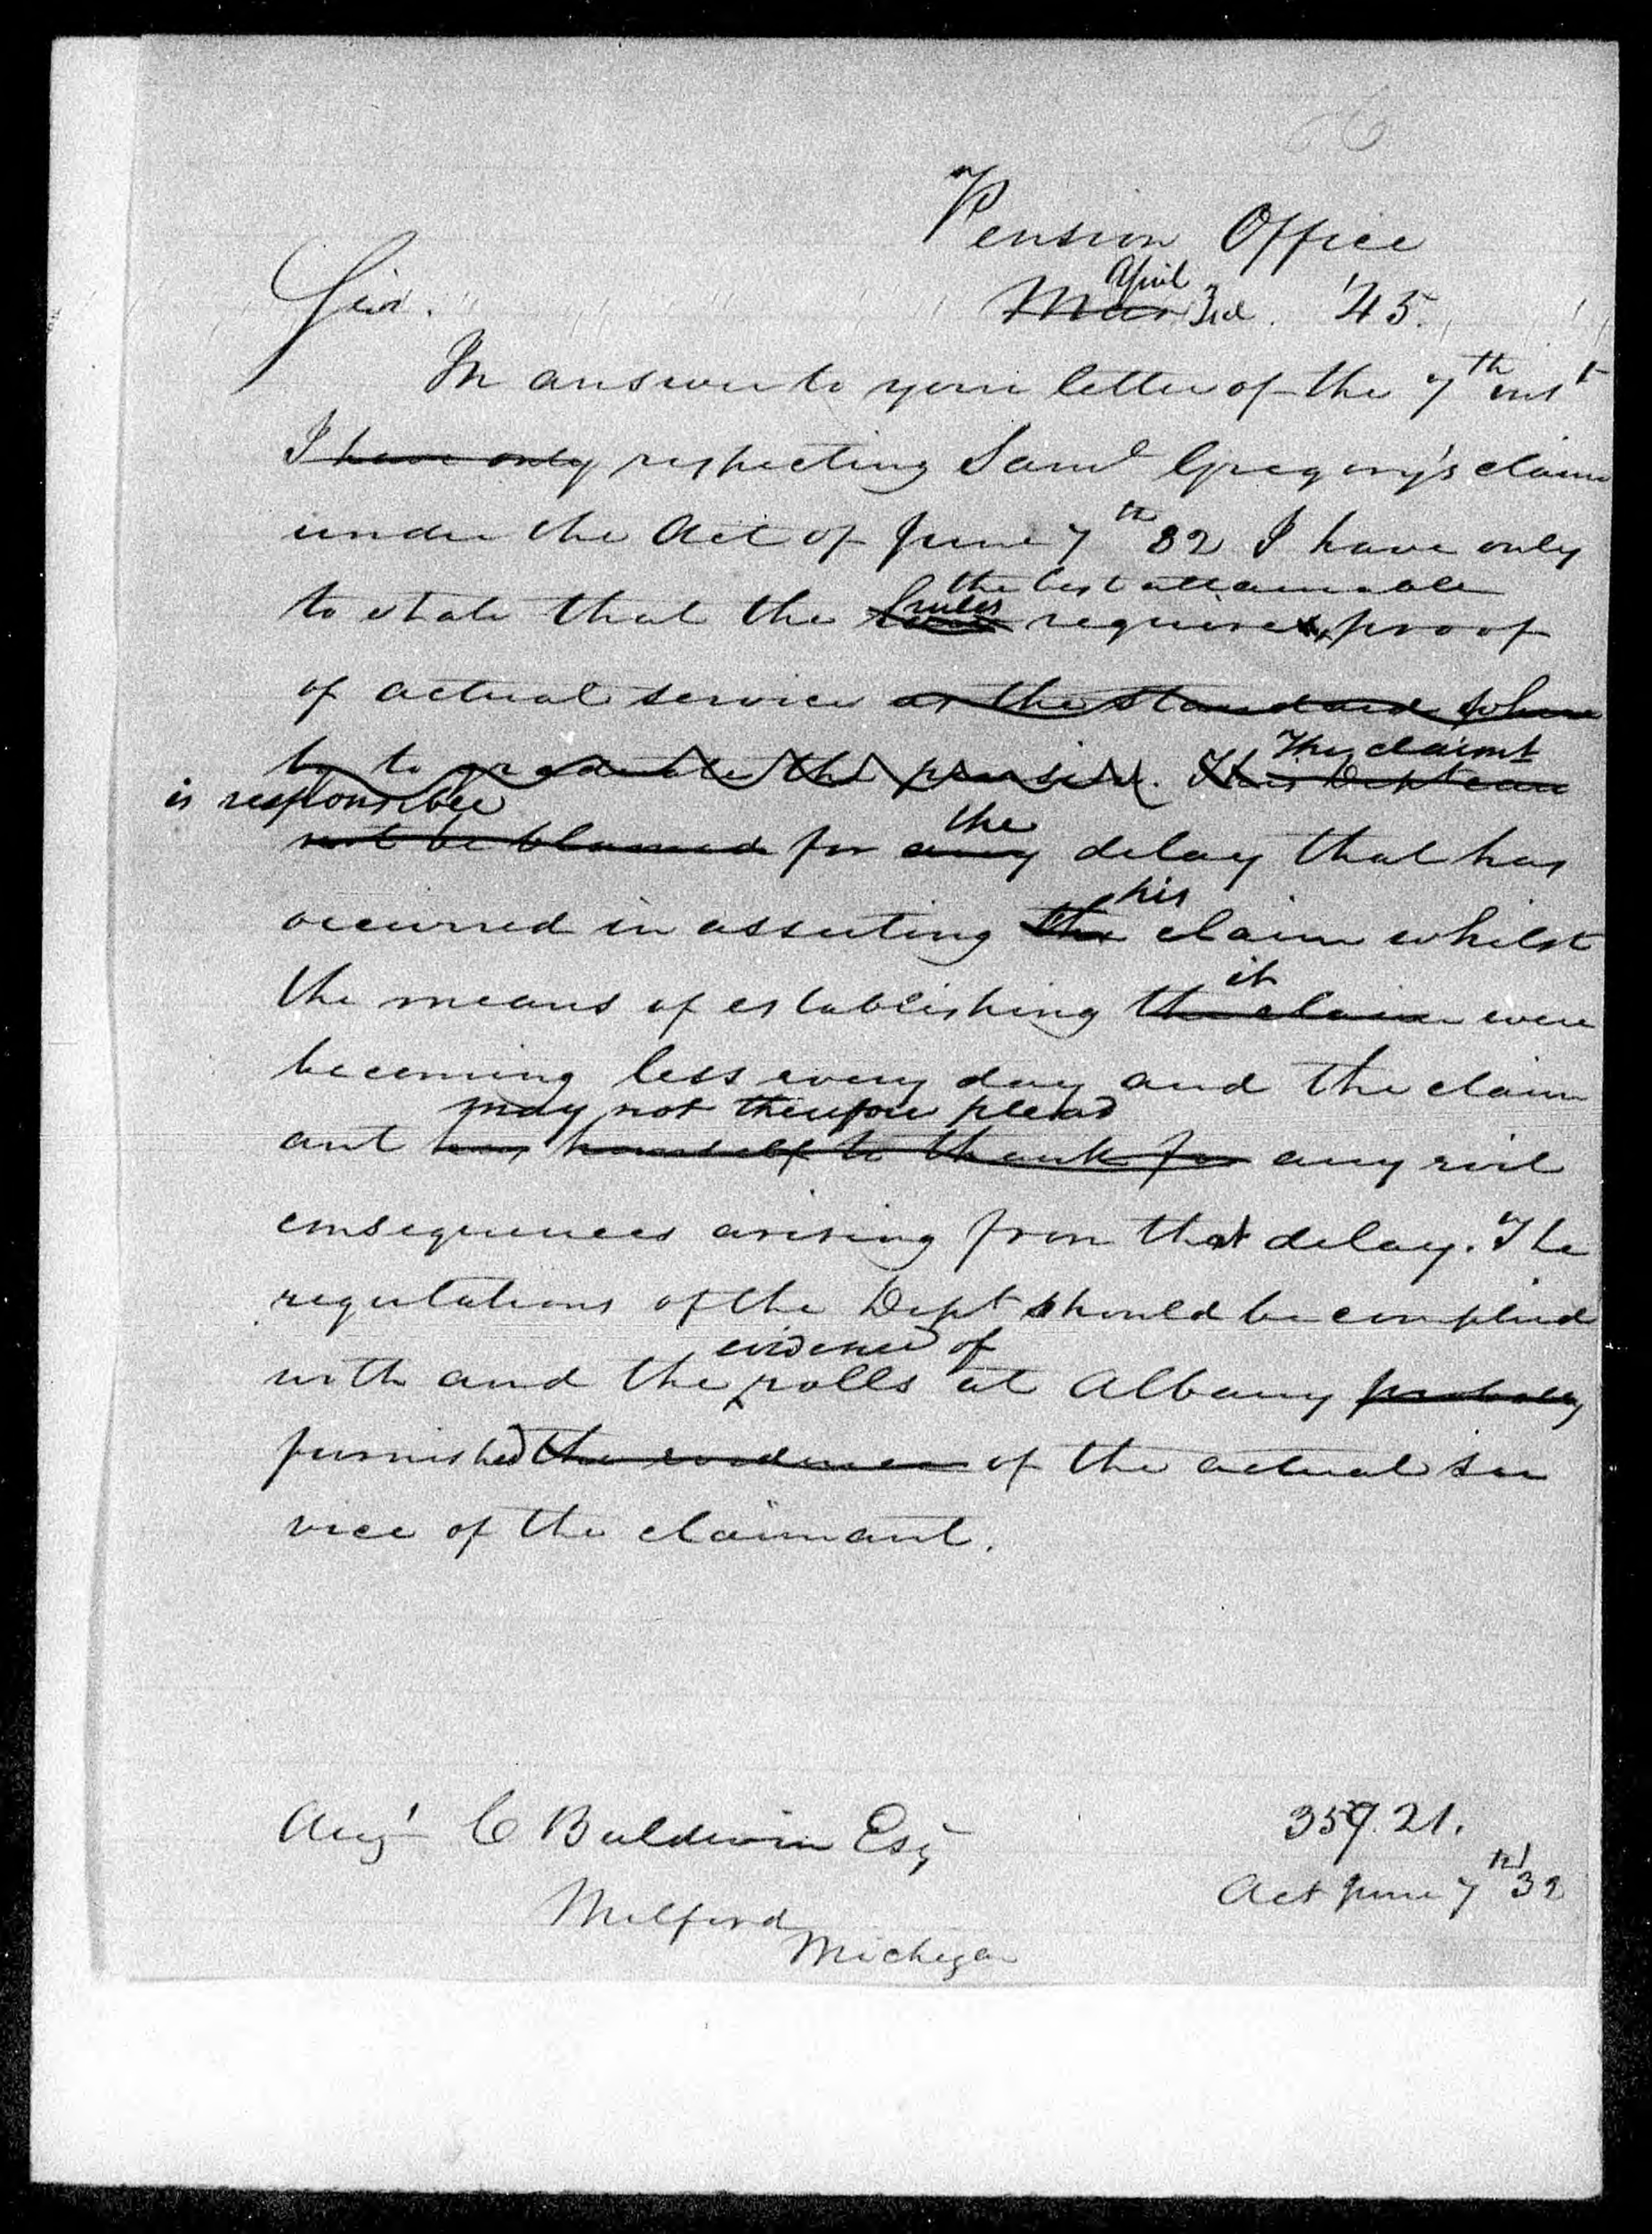Pension Office 
April 2nd 45

Sir,
In answer to your letter of the 7th [illegibe] respecting Saml Gregory's claim under the Act of June 7th 32 I have only to state that the the best attainable required proof of actual service. This claimt responsible for the delay that has occurred in assisting his claim whilst that means of establishing it ever becoming less every day and the claimant may not therefore plead any said consequences arising from that delay. The regulations of the Dept should be emplied with and the evidence of rolls at Albany furnished of the actual service of the claimant.

Aug C Baldwin Esq
Milford Michigan

25921
Act June 7 32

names: Angs C Baldwin, Saml Gregory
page: 42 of 66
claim: rejected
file: R. 4298, Samuel Gregory, New York